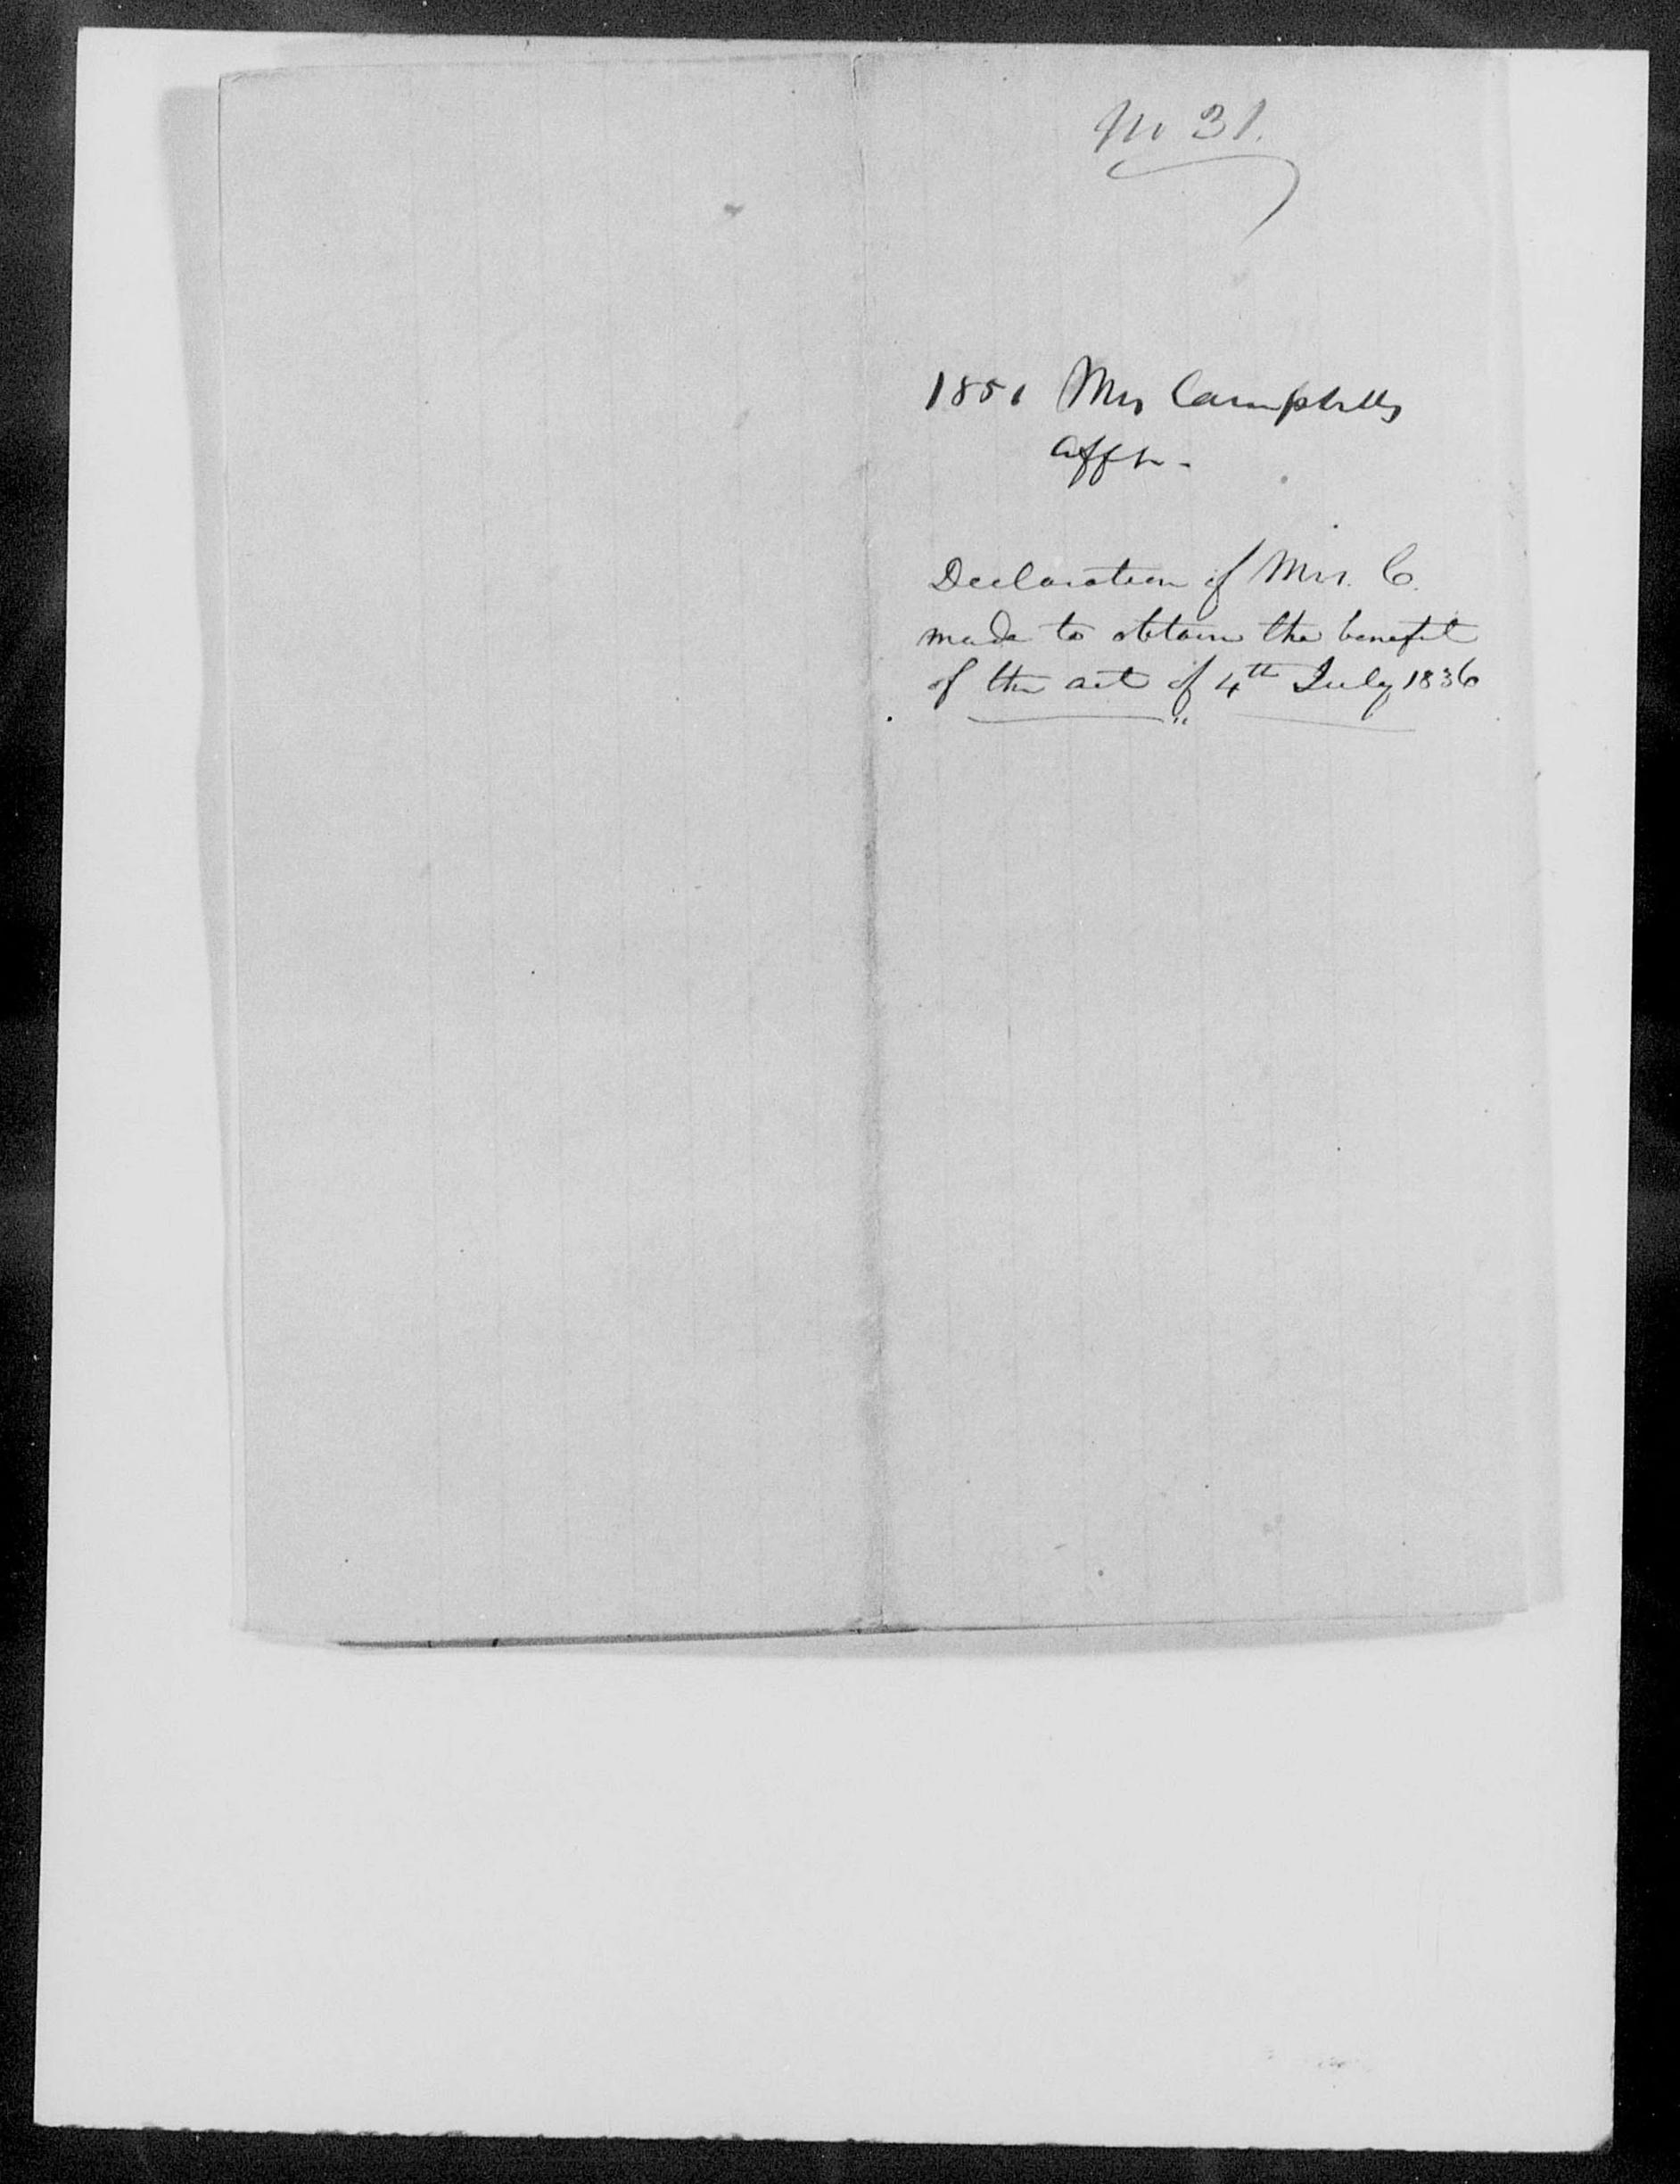No 31.

1851 Mrs Campbells afft.

Declaration of Mrs C. made to obtain the benefit of the Act of 4th July 1836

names: C, Campbells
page: 115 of 267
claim: widow's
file: W. 4,149, William Campbell, Va.